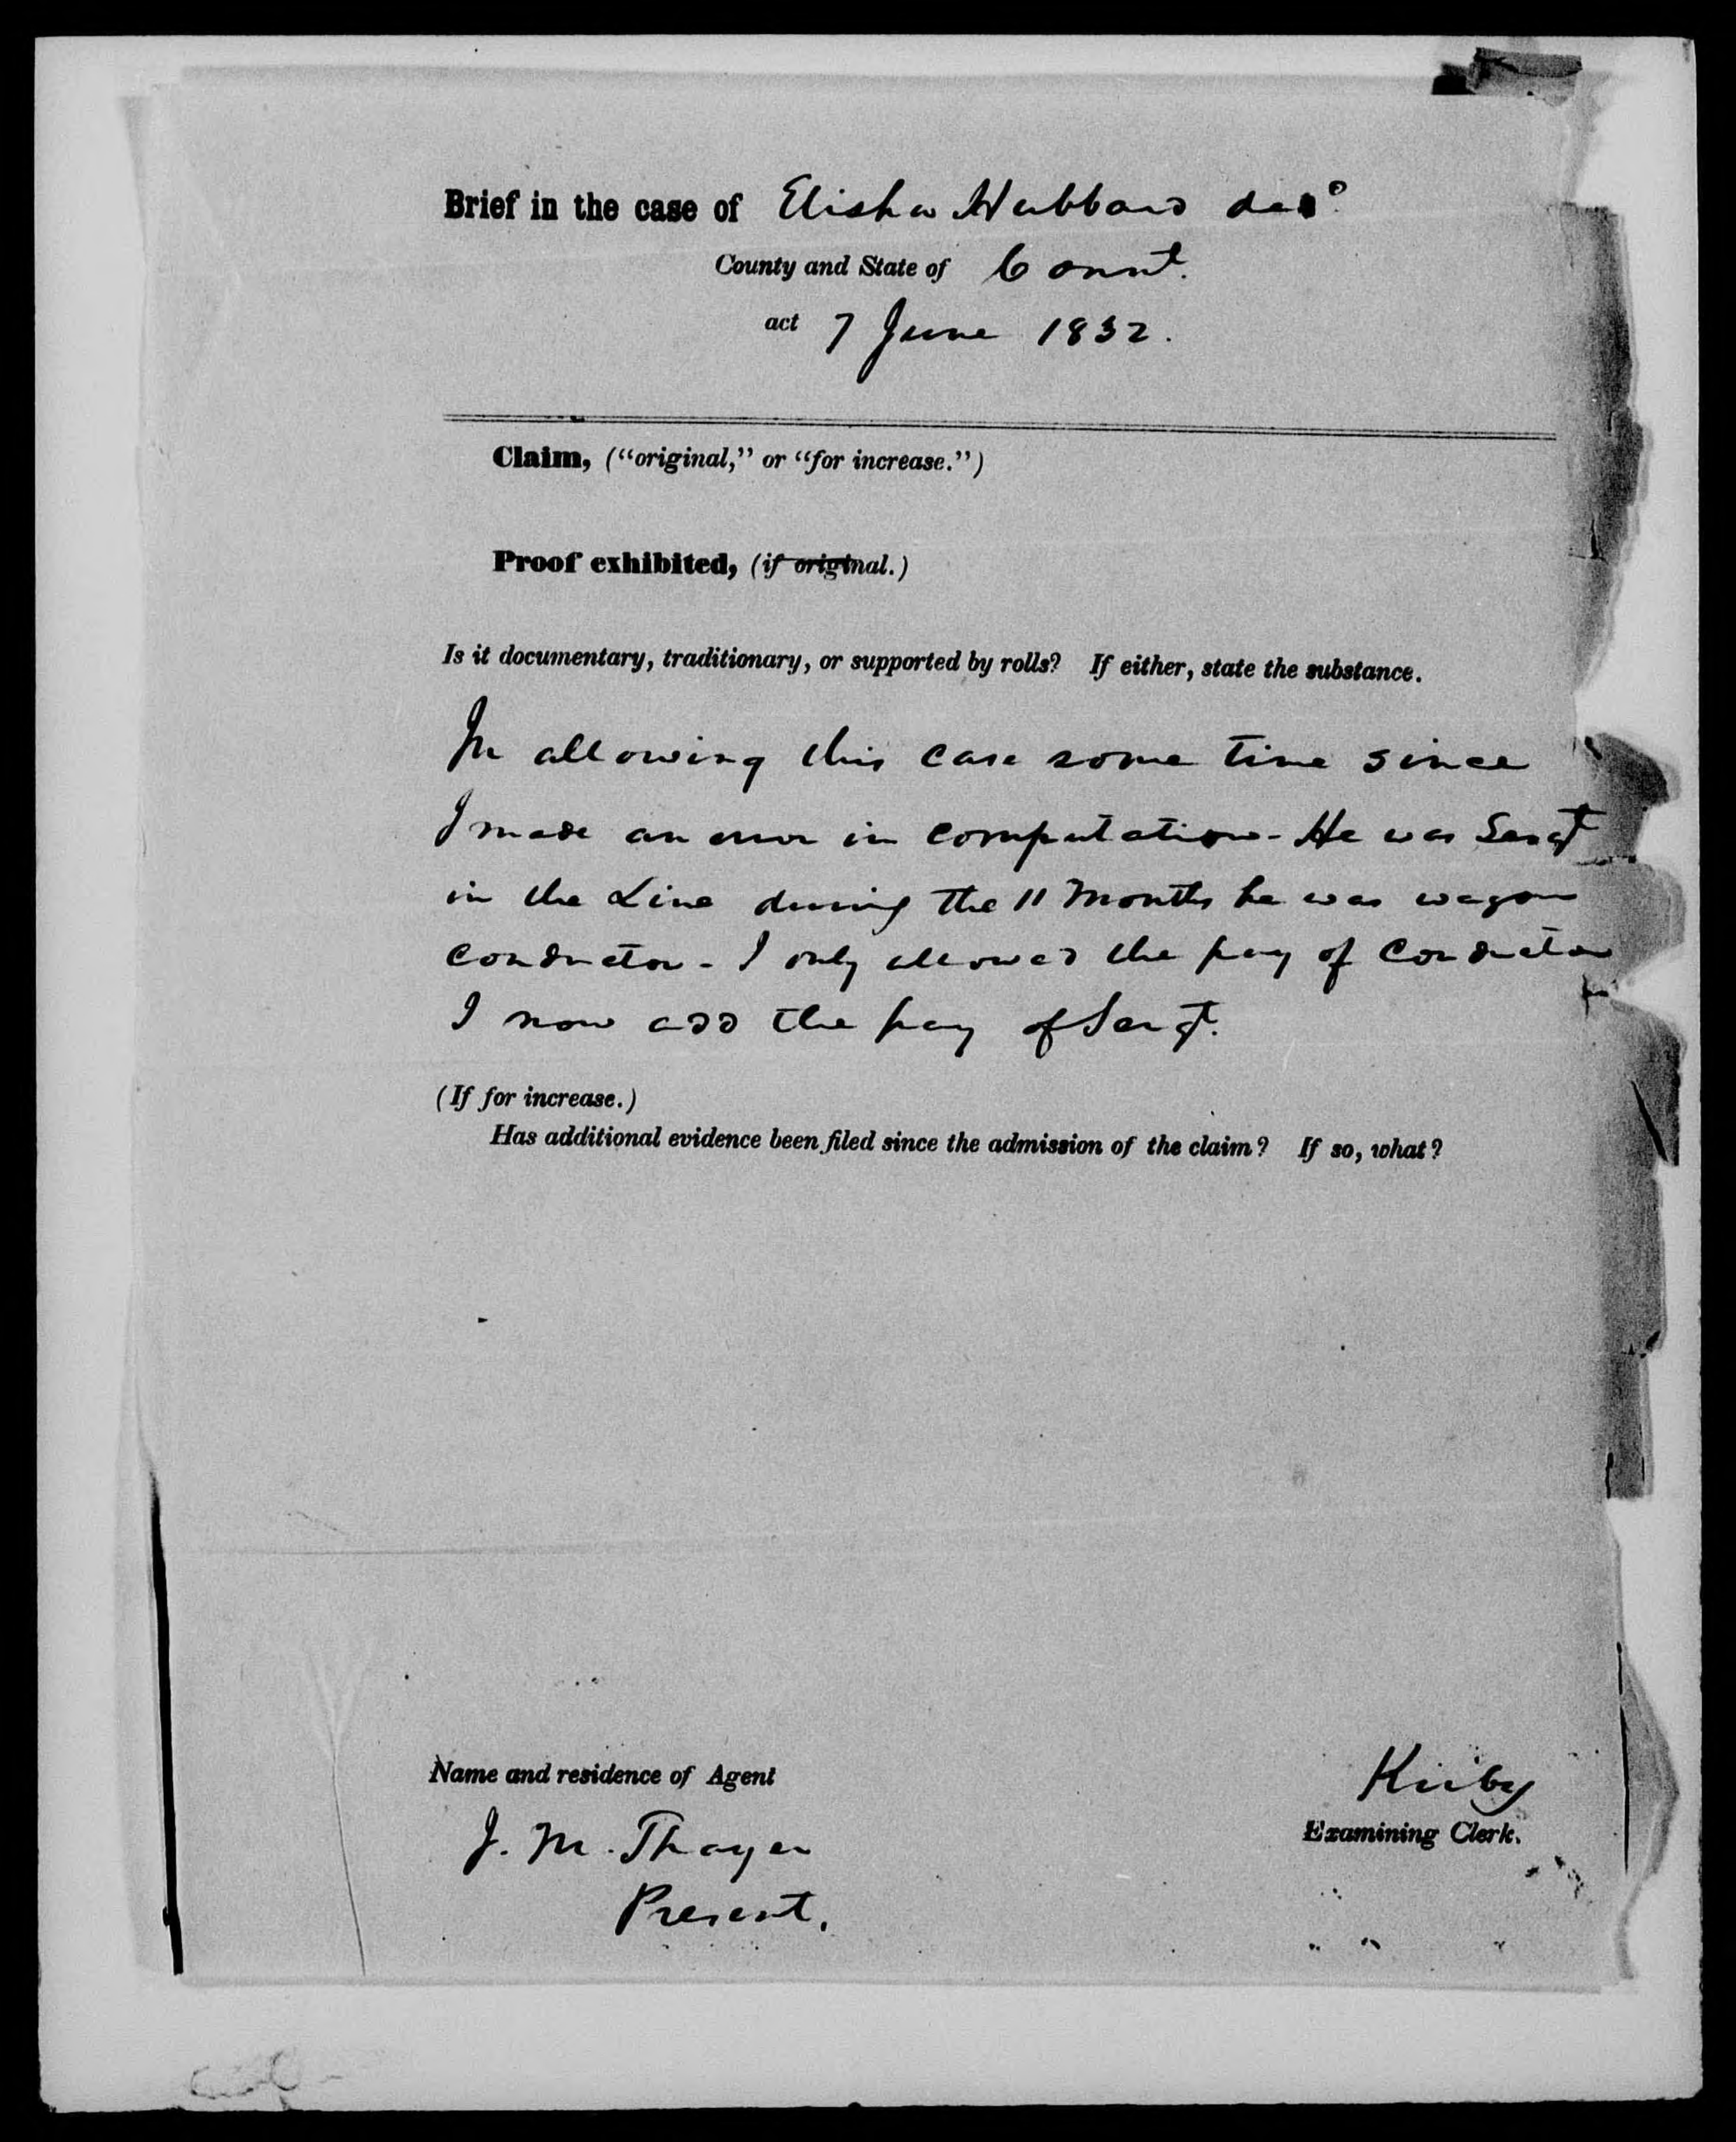Brief in the case of Elisha Hubbard decd
County and State of Connt.
act 7 June 1832.

Claim, ("original," or "for increase.")

Proof exhibited, (if original.)

Is it documentary, traditionary, or supported by rolls?  If either, state the substance.

In allowing this case some time since I made an error in computation.  He was Sergt in the Line during the 11 months he was wagon conductor - I only increased the pay of conductor I now add the pay of Sergt. 

(If for increase.)
Has additional evidence been filed since the admission of the claim?  If so, what?



Name and residence of Agent                                     
J. M. Thayer
Present.

Kirby
Examing Clerk.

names: Kirby, J M Thayer, Elisha Hubbard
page: 38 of 63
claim: survivor's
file: S. 18457, Elisha Hubbard, Conn. Continental